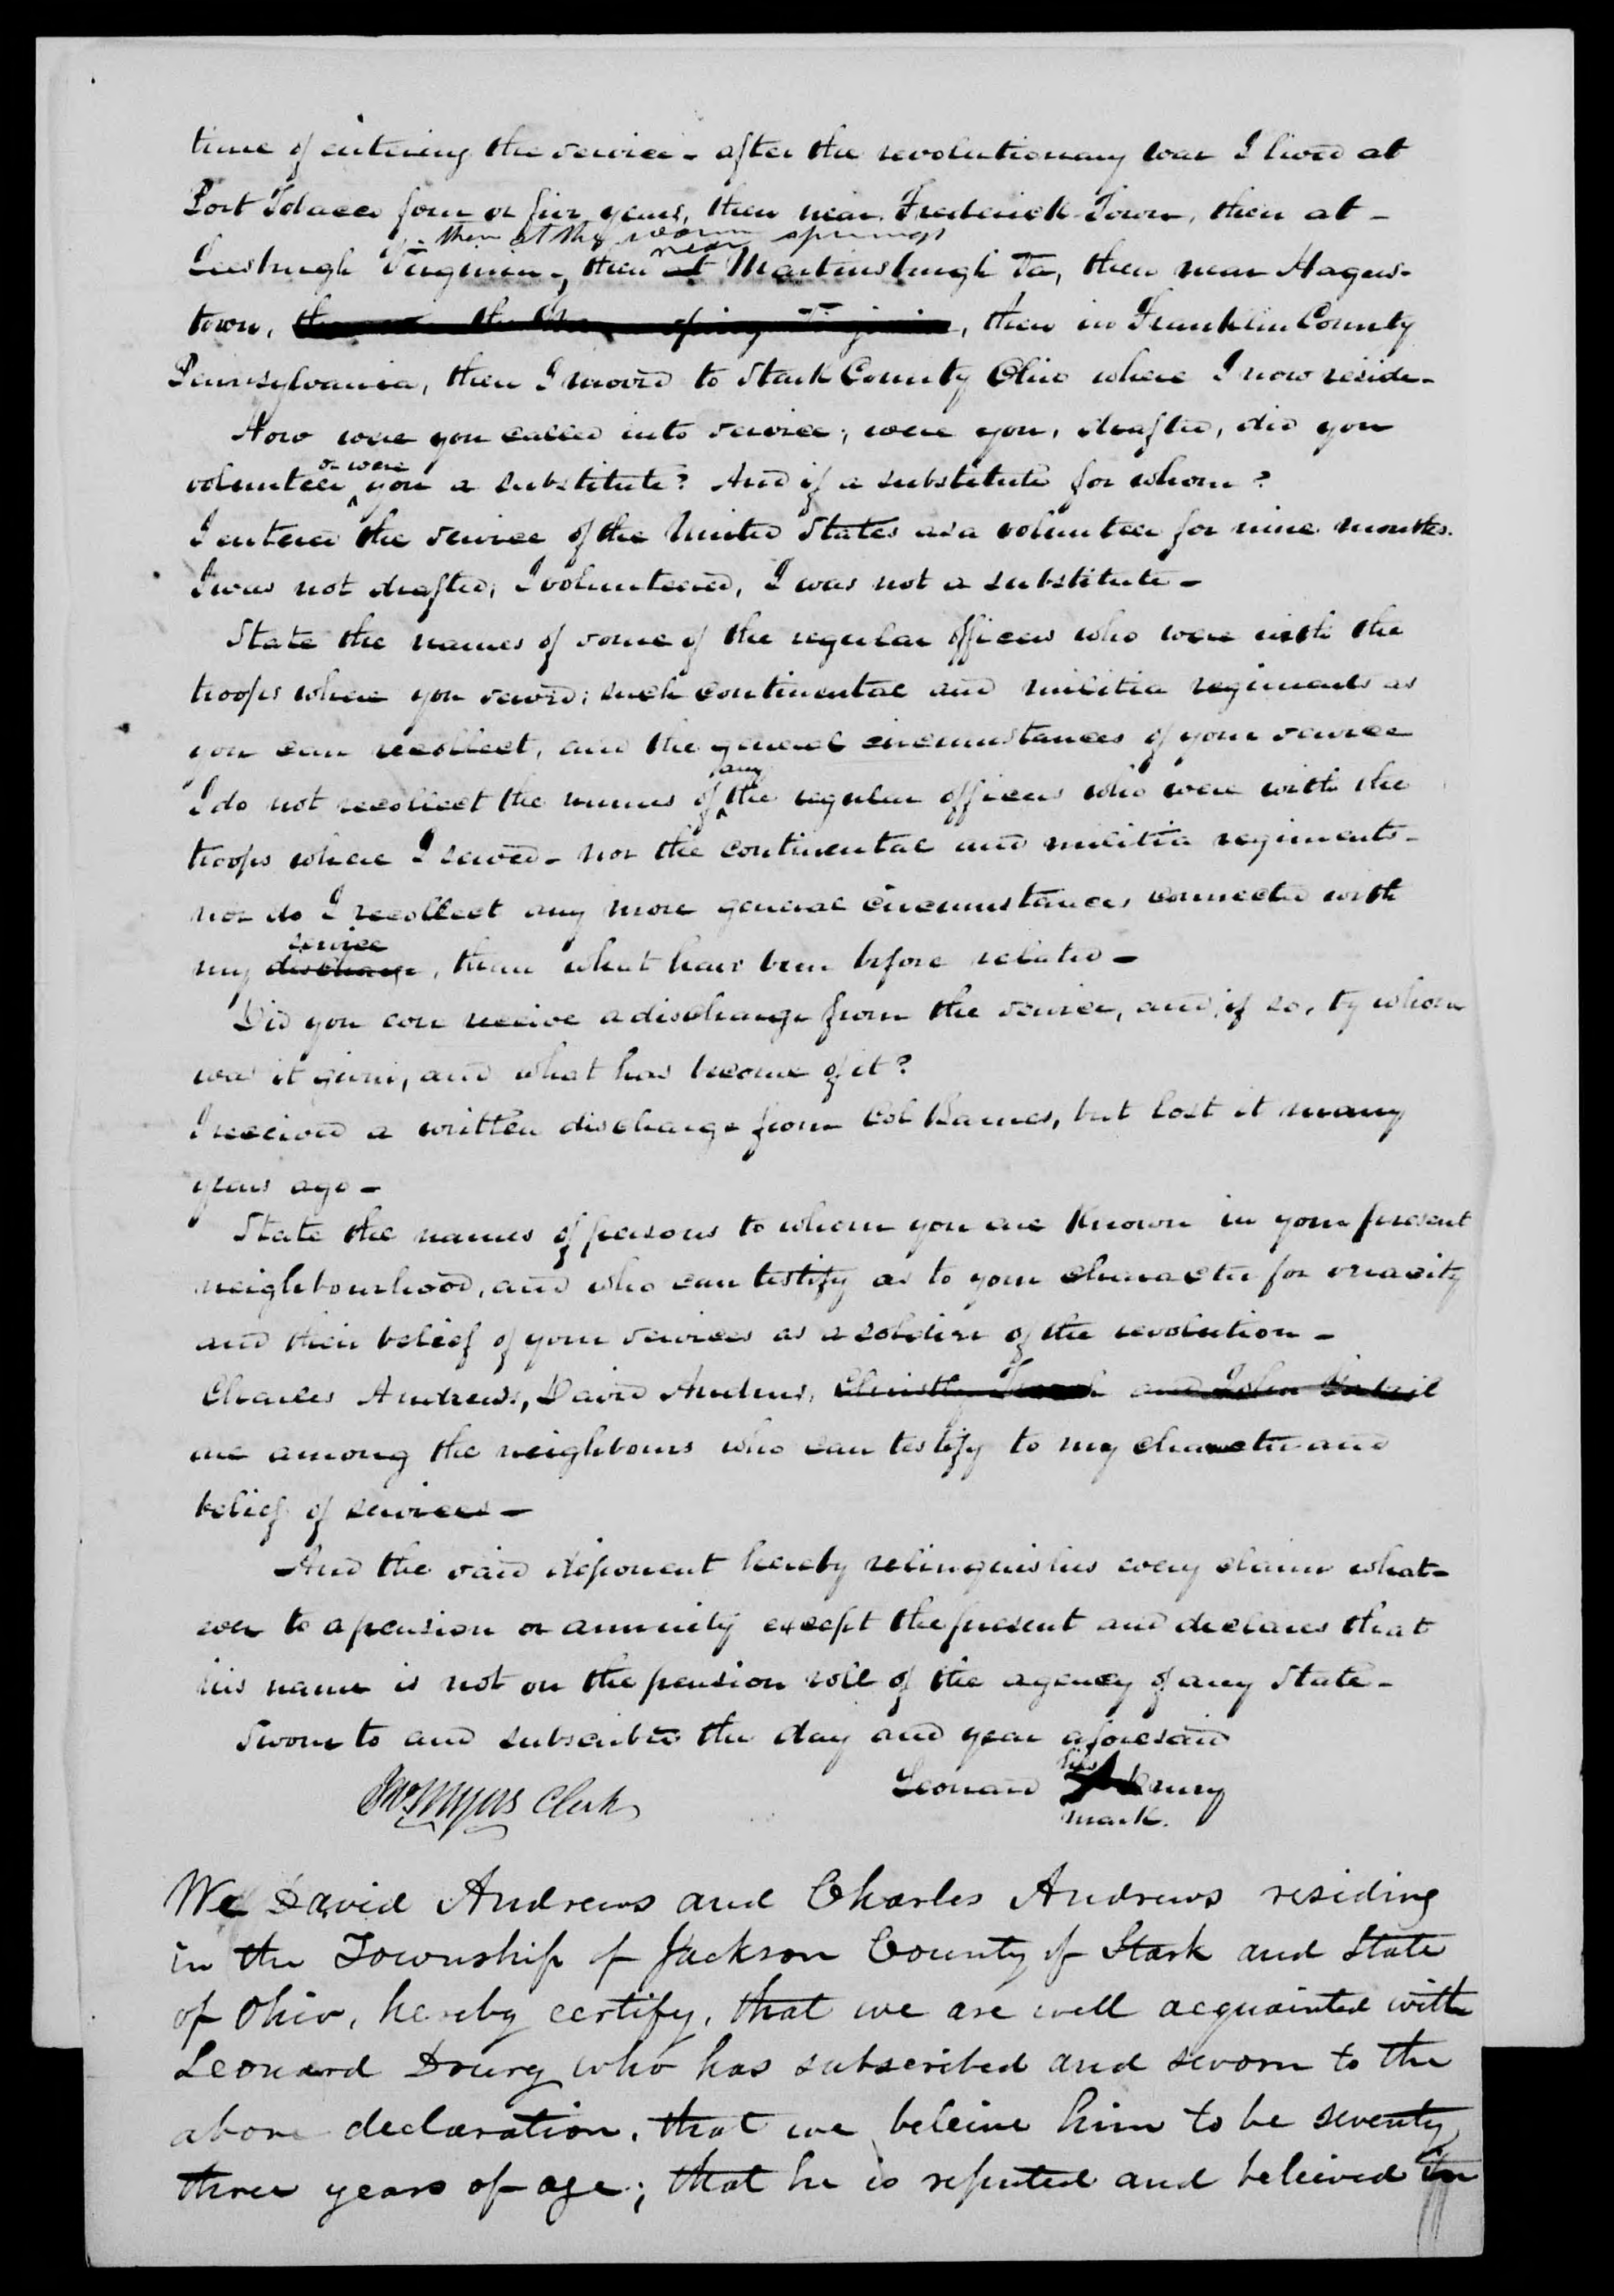time of entering the service - after the revolutionary war I lived at
Port Tobacco four or five years, then near Frederick Town [Fredericktown], then at -
^then at the warm springs^
Leesburgh [Leesburg] Virginia, then [lined out: at] near Martinsburgh [Martinsburg] Va, then near
Hagerstown [several words lined out], then in Franklin County
Pennsylvania, then I moved to Stark County Ohio where I now reside.

How were you called into service; were you, drafted, did you
volunteer ^or were^ you a substitute?  And if a substitute for whom?
I entered the service of the United States as a volunteer for nine months.
I was not drafted; I volunteered, I was not a substitute.

State the names of some of the regular officers who were with the troops where you served; such continental and militia regiments as
you can recollect, and the general circumstances of your service
I do not recollect the names of ^any^ the regular officers who were with the
troops where I served - nor the continental and militia regiments -
nor do I recollect any more general circumstances connected with
any [lined out: discharge] service, thence what have been before aclated -

Did you [illegible] receive a discharge from the service, and if so, by whom
was it given, and what has become of it?
I received a written discharge from Col Barnes, but lost it many
years ago - 

State the names of persons to whom you are known in your present
neighbourhood, and who can testify as to your character for veracity
and their belief of your services as a soldier of the revolution -
Charles Andrews, David Andrews, [two names lined out]
are among the neighbours who can testify to my character and
belief of services -

And the said deponent hereby relinquishes every claim whatever
to a pension or annuity except the present and declares that
his name is not on the pension roll of the agency of any state -

Sworn to and subscribed this day and year aforesaid
[signature:] Jno Myers Clerk
Leonard ^his X mark^ Drury

We David Andrews and Charles Andrews residing
in the Township of Jackson County of Stark and State
of Ohio, hereby certify, that we are well acquainted with
Leonard Drury who has subscribed sworn to the
above declaration, that we believe him to be seventy
three years of age; that he is refuted and believed in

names: David Andrews, Leonard Drury, Barnes, Charles Andrews, Charles Andrews, David Andrews, Leonard Drury, Jno Myers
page: 7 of 9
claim: survivor's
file: S. 2183, Leonard Drury, Md.